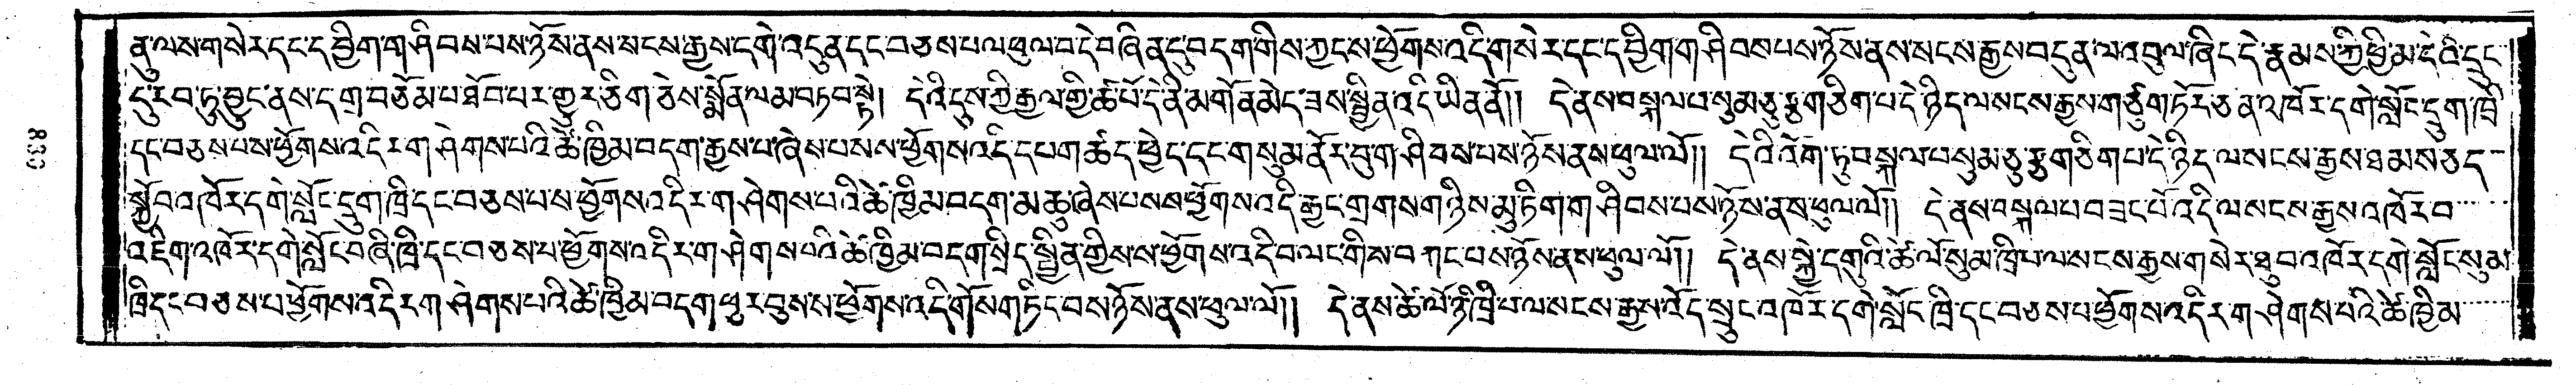ནུ་ལས་གསེར་དང་དབྱིག་གཤིབས་པས་ཉོས་ནས་སངས་རྒྱས་དགེ་འདུན་དང་བཅས་པལ་ཕུལ་བ་དེ་བཞིན་དུ་བདག་གིས་ཀྱང་ས་ཕྱོགས་འདི་གསེར་དང་དབྱིག་གཤིབས་པས་ཉོས་ནས་སངས་རྒྱས་བདུན་ལ་འབུལ་ཞིང་དེ་རྣམས་ཀྱི་ཕྱི་མ་དེའི་དྲུང་
དུ་རབ་ཏུ་བྱུང་ནས་དགྲ་བཅོམ་པ་ཐོབ་པར་གྱུར་ཅིག་ཅེས་སྨོན་ལམ་བཏབ་སྟེ། དེའི་དུས་ཀྱི་རྒྱལ་གྱི་ཚ་པོ་དེ་ནི་མགོན་མེད་ཟས་སྦྱིན་འདི་ཡིན་ནོ།། དེ་ནས་བསྐལ་པ་སུམ་ཅུ་རྩ་གཅིག་པ་དེ་ཉིད་ལ་སངས་རྒྱས་གཙུག་ཏོར་ཅན་འཁོར་དགེ་སློང་དྲུག་ཁྲི་
དང་བཅས་པས་ཕྱོགས་འདིར་གཤེགས་པའི་ཚེ་ཁྱིམ་བདག་རྒྱས་པ་ཞེས་པས་ས་ཕྱོགས་འདི་དཔག་ཚད་ཕྱེད་དང་གསུམ་ནོར་བུ་གཤིབས་པས་ཉོས་ནས་ཕུལ་ལོ།། དེའི་འོག་ཏུ་བསྐལ་པ་སུམ་ཅུ་རྩ་གཅིག་པ་དེ་ཉིད་ལ་སངས་རྒྱས་ཐམས་ཅད་
སྐྱོབ་འཁོར་དགེ་སློང་དྲུག་ཁྲི་དང་བཅས་པས་ཕྱོགས་འདིར་གཤེགས་པའི་ཚེ་ཁྱིམ་བདག་མཆུ་ཞེས་པས་ས་ཕྱོགས་འདི་རྒྱང་གྲགས་གཉིས་མུ་ཏིག་གཤིབས་པས་ཉོས་ནས་ཕུལ་ལོ།། དེ་ནས་བསྐལ་པ་བཟང་པོ་འདི་ལ་སངས་རྒྱས་འཁོར་བ་
འཇིག་འཁོར་དགེ་སློང་བཞི་ཁྲི་དང་བཅས་པ་ཕྱོགས་འདིར་གཤེགས་པའི་ཚེ་ཁྱིམ་བདག་སྲིད་སྦྱིན་གྱིས་ས་ཕྱོགས་འདི་བ་ལང་གིས་བཀང་པས་ཉོས་ནས་ཕུལ་ལོ།། དེ་ནས་སྐྱེ་དགུའི་ཚེ་ལོ་སུམ་ཁྲི་པ་ལ་སངས་རྒྱས་གསེར་ཐུབ་འཁོར་དགེ་སློང་སུམ་
ཁྲི་དང་བཅས་པ་ཕྱོགས་འདིར་གཤེགས་པའི་ཚེ་ཁྱིམ་བདག་ཕུར་བུས་ས་ཕྱོགས་འདི་གོས་གཏིང་བས་ཉོས་ནས་ཕུལ་ལོ།། དེ་ནས་ཚེ་ལོ་ཉི་ཁྲི་པ་ལ་སངས་རྒྱས་འོད་སྲུང་འཁོར་དགེ་སློང་ཁྲི་དང་བཅས་པ་ཕྱོགས་འདིར་གཤེགས་པའི་ཚེ་ཁྱིམ་